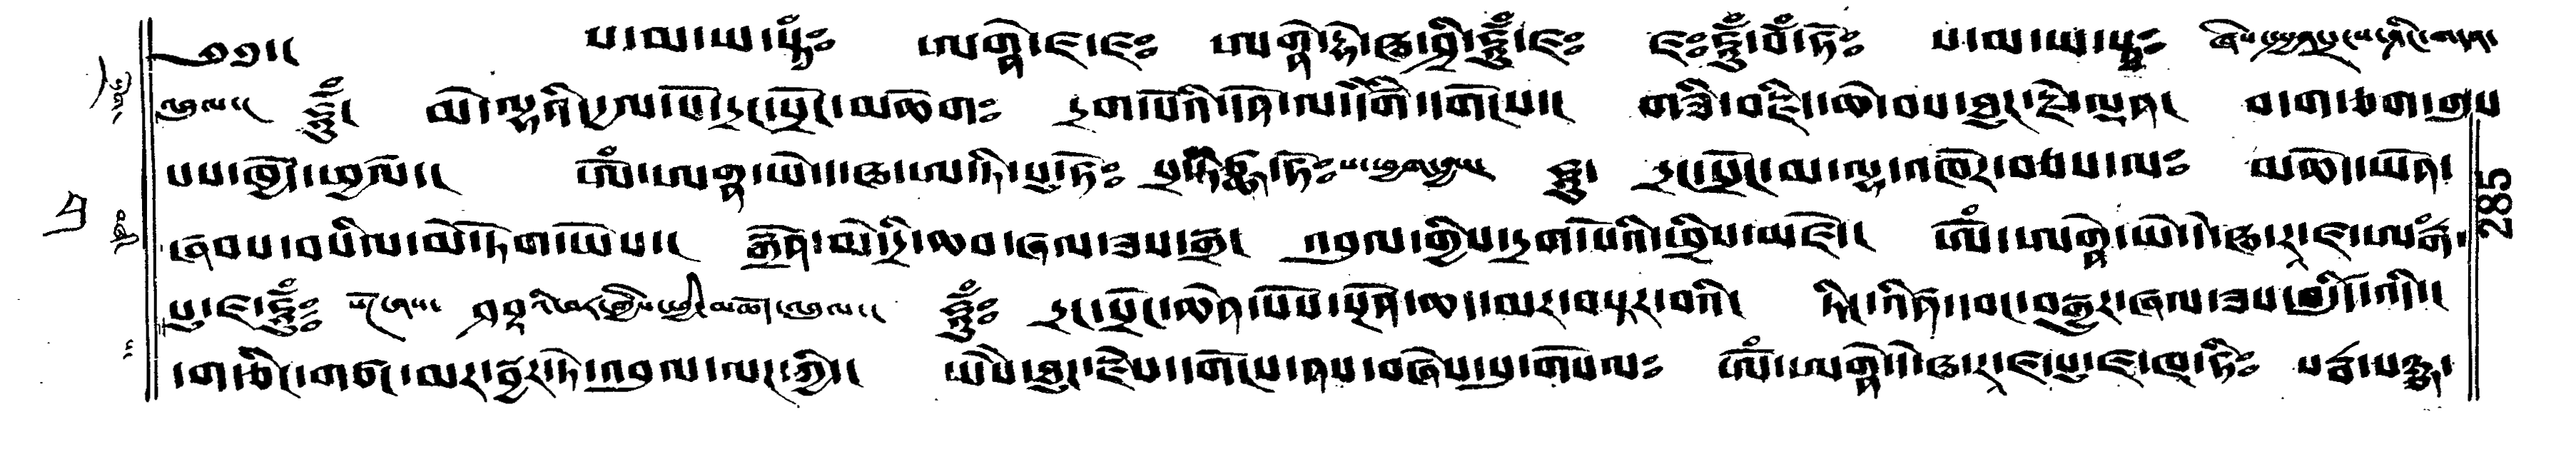ས་མ་ཡ་སྟྭཾ༔ ཨགྣེ་ཛ་ཛ༔ ཨགྣེ་དྷེ་ཝ་ཤྲི་ཧཱུྃ་ཛ༔ ཛཿཧཱུྃ་བྃ་ཧོ༔ ས་མ་ཡ་སྟྭ༔ ཞེས་སྤྱན་དྲངས་ཤིང་གདན་
འབུལ། ཧཱུྃ༔ མེ་ལྷའི་རྒྱལ་པོ་དྲང་སྲོང་མཆོག༔ དྲག་པོའི་དོན་ལ་དམ་ཚིག་དགོངས༔ གཟི་བརྗིད་ཆེ་བས་ཐུགས་རྗེ་ལྡན༔ བདག་ཅག་གུས་
པས་ཁྱོད་ཕྱག་འཚལ༔ ཨོཾ་ཨགྣེ་ཡེ་དྷེ་ཝ་ཨ་ཏི་པུ་ཧོཿ པྲ་ཏིཙྪ་ཧོཿ ས་ཕྱག་བྱས། ཧཱུྃ༔ དྲང་སྲོང་མེ་ལྷ་འཁོར་བཅས་ལ༔ མཆོད་ཡོན་
ཞབས་བསིལ་མེ་ཏོག་སྤོས༔ སྒྲོན་མེ་དྲི་ཆབ་ཞལ་ཟས་སྒྲ༔ འབུལ་གྱིས་དྲག་པོའི་ཕྲིན་ལས་མཛོད༔ ཨོཾ་ཨགྣེ་ཡེ་དྷེ་ཝ་རཱ་ཛ་ཨརྒྷཾ་
པུ་ཛ་ཧཱུྂ༔ སོགས་ནས་ཤབྟ འི་བར་གྱིས་ཕྱི་མཆོད་འབུལ། ཧཱུྃ༔ དྲང་སྲོང་ཆེན་པོར་སྔོན་ཆད་མ་བསྟར་བའི༔ ཏིང་འཛིན་དབང་བསྒྱུར་ཞལ་ཟས་བདུད་རྩི་འདི༔ 
དག་ཅིང་གཙང་མར་སྦྱར་ཏེ་འབུལ་ལགས་ཀྱི༔ ཡེ་ཤེས་ཐུགས་རྗེས་དགོངས་ནས་བཞེས་སུ་གསོལ༔ ཨོཾ་ཨགྣེ་དྷེ་ཝ་རཱ་ཛ་པུ་ཛ་ཁཱ་ཧི༔ སརྦ་པཉྩ་